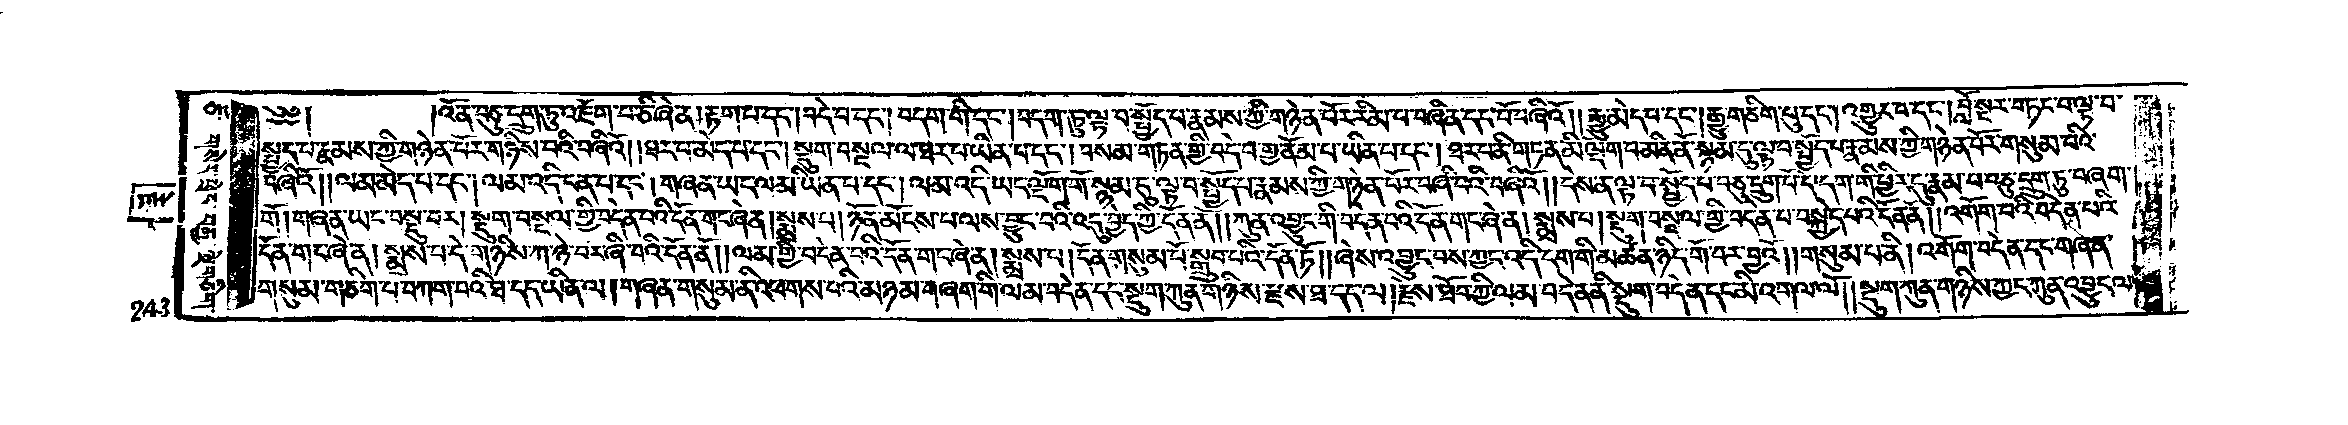༄༅། །འོ་ན་བཅུ་དྲུག་ཏུ་འཇོག་པ་ཅི་ཞེ་ན། རྟག་པ་དང་། བདེ་བ་དང་། བདག་གི་དང་། བདག་ཏུ་ལྟ་བ་སྤྱོད་པ་རྣམས་ཀྱི་གཉེན་པོར་རིམ་པ་བཞིན་དང་པོ་བཞིའོ། །རྒྱུ་མེད་པ་དང་། རྒྱུ་གཅིག་པུ་དང་། འགྱུར་བ་དང་། བློ་སྔར་བཏང་བ་ལྟ་བ་
སྤྱད་པ་རྣམས་ཀྱི་གཉེན་པོར་གཉིས་པའི་བཞིའོ། །ཐར་པ་མེད་པ་དང་། སྡུག་བསྔལ་ལ་ཐར་པ་ཡིན་པ་དང་། བསམ་གཏན་གྱི་བདེ་བ་གྱ་ནོམ་པ་ཡིན་པ་དང་། ཐར་པ་ནི་གཏན་མི་ལྡོག་པ་མིན་ནོ་སྙམ་དུ་ལྟ་བ་སྤྱོད་པ་རྣམས་ཀྱི་གཉེན་པོར་གསུམ་པའི་
བཞིའོ། །ལམ་མེད་པ་དང་། ལམ་འདི་ངན་པ་དང་། གཞན་ཡང་ལམ་ཡིན་པ་དང་། ལམ་འདི་ཡང་ལྡོག་གོ་སྙམ་དུ་ལྟ་བ་སྤྱོད་པ་རྣམས་ཀྱི་གཉེན་པོར་བཞི་པའི་བཞིའོ། །དེས་ན་ལྟ་བ་སྤྱོད་པ་བཅུ་དྲུག་པོ་དེ་དག་གི་ཕྱིར་དུ་རྣམ་པ་བཅུ་དྲུག་ཏུ་བཞག་
གོ །གཞན་ཡང་བསྡུ་བར། སྡུག་བསྔལ་གྱི་བདེན་པའི་དོན་གང་ཞེ་ན། སྨྲས་པ། ཉོན་མོངས་པ་ལས་བྱུང་བའི་འདུ་བྱེད་ཀྱི་དོན་ནོ། །ཀུན་འབྱུང་གི་བདེན་པའི་དོན་གང་ཞེ་ན། སྨྲས་པ། སྡུག་བསྔལ་གྱི་བདེན་པ་བསྐྱེད་པའི་དོན་ནོ། །འགོག་པའི་བདེན་པའི་
དོན་གང་ཞེ་ན། སྨྲས་པ་དེ་གཉིས་ཀ་ཉེ་བར་ཞི་བའི་དོན་ནོ། །ལམ་གྱི་བདེན་པའི་དོན་གང་ཞེ་ན། སྨྲས་པ། དོན་གསུམ་པོ་སྒྲུབ་པའི་དོན་ཏོ། །ཞེས་འབྱུང་བས་ཀྱང་འདི་དག་གི་མཚན་ཉིད་གོ་བར་བྱའོ། །གསུམ་པ་ནི། འགོག་བདེན་དང་གཞན་
གསུམ་གཅིག་པ་བཀག་པའི་ཐ་དད་ཡིན་ལ། གཞན་གསུམ་ནི་འཕགས་པའི་མཉམ་གཞག་གི་ལམ་བདེན་དང་སྡུག་ཀུན་གཉིས་རྫས་ཐ་དད་ལ། རྗེས་ཐོབ་ཀྱི་ལམ་བདེན་ནི་སྡུག་བདེན་དང་མི་འགལ་ལོ། །སྡུག་ཀུན་གཉིས་ཀྱང་ཀུན་འབྱུང་ལ་